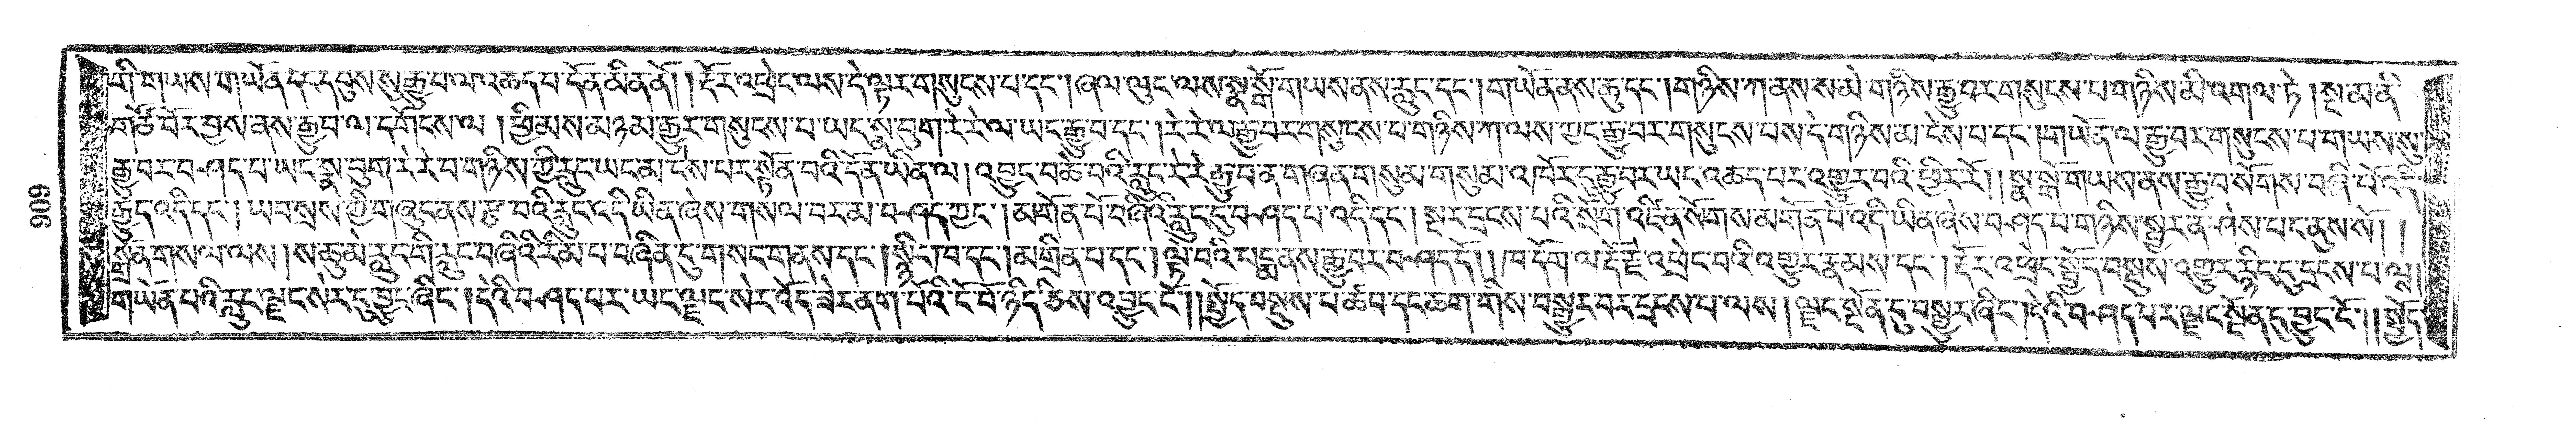གི་གཡས་གཡོན་དང་དབུས་སུ་རྒྱུ་བ་ལ་འཆད་པ་དོན་མིན་ནོ། །རྡོར་འཕྲེང་ལས་དེ་ལྟར་གསུངས་པ་དང་། ཞལ་ལུང་ལས་སྣ་སྒོ་གཡས་ནས་རླུང་དང་། གཡོན་ནས་ཆུ་དང་། གཉིས་ཀ་ནས་ས་མེ་གཉིས་རྒྱུ་བར་གསུངས་པ་གཉིས་མི་འགལ་ཏེ། སྔ་མ་ནི་
གཙོ་བོར་བྱས་ནས་རྒྱུ་བ་ལ་དགོངས་ལ། ཕྱི་མས་མཉམ་རྒྱུར་གསུངས་པ་ཡང་སྣ་བུག་རེ་རེ་ལ་ཡང་རྒྱུ་བ་དང་། རེ་རེ་ལ་རྒྱུ་བར་གསུངས་པ་གཉིས་ཀ་ལས་ཀྱང་རྒྱུ་བར་གསུངས་པས་དེ་གཉིས་མ་ངེས་པ་དང་། གཡོན་ལ་རྒྱུ་བར་གསུངས་པ་གཡས་སུ་
རྒྱུ་བར་བཤད་པ་ཡང་སྣ་བུག་རེ་རེ་བ་གཉིས་ཀྱི་རླུང ༦ཡང་མ་ངེས་པར་སྟོན་པའི་དོན་ཡིན་ལ། འབྱུང་བ་ཆེ་བའི་རླུང་རེ་རེ་རྒྱུ་བ་ན་གཞན་གསུམ་གསུམ་འཁོར་དུ་རྒྱུ་བར་ཡང་འཆད་པར་འགྱུར་བའི་ཕྱིར་རོ། །སྣ་སྒོ་གཡས་ནས་རྒྱུ་བ་སོགས་བཞི་པོ་འདི་
རྒྱུད་འདི་དང་། ཡབ་སྲས་ཀྱི་གཞུང་ནས་རྩ་བའི་རླུང་འདི་ཡིན་ཞེས་གསལ་བར་མ་བཤད་ཀྱང་། མགོན་པོ་བཞིའི་རླུང་དུ་བཤད་པ་འདི་དང་། སྔར་དྲངས་པའི་སྲོག་འཛིན་སོགས་མགོན་པོ་འདི་ཡིན་ཞེས་བཤད་པ་གཉིས་སྦྱར་ན་ཤེས་པར་ནུས་སོ། །
སྒྲོན་གསལ་ལས། ས་ཆུ་མེ་རླུང་གི་རླུང་བཞིའི་རིམ་པ་བཞིན་དུ་གསང་གནས་དང་། སྙིང་ཁ་དང་། མགྲིན་པ་དང་། ལྟེ་བའི་པདམ་ནས་རྒྱུ་བར་བཤད་དོ། །ཁ་དོག་ལ་རྡོ་རྗེ་འཕྲེང་བའི་འགྱུར་རྣམས་དང་། རྡོར་འཕྲེང་སྤྱོད་བསྡུས་འགྱུར་རྙིང་དུ་དྲངས་པ་ལས།
གཡོན་པའི་རླུང་ལྗང་སེར་དུ་བྱུང་ཞིང་། དེའི་བཤད་པར་ཡང་ལྗང་སེར་འོད་ཟེར་ནག་པོའི་ངོ་བོ་ཉིད་ཅེས་འབྱུང་ངོ། །སྤྱོད་བསྡུས་པ་ཚབ་དང་ཆག་གིས་བསྒྱུར་བར་དྲངས་པ་ལས། ལྗང་སྔོན་དུ་བསྒྱུར་ཞིང་། དེའི་བཤད་པར་ལྗང་སྔོན་དུ་བྱུང་ངོ། །སྤྱོད་